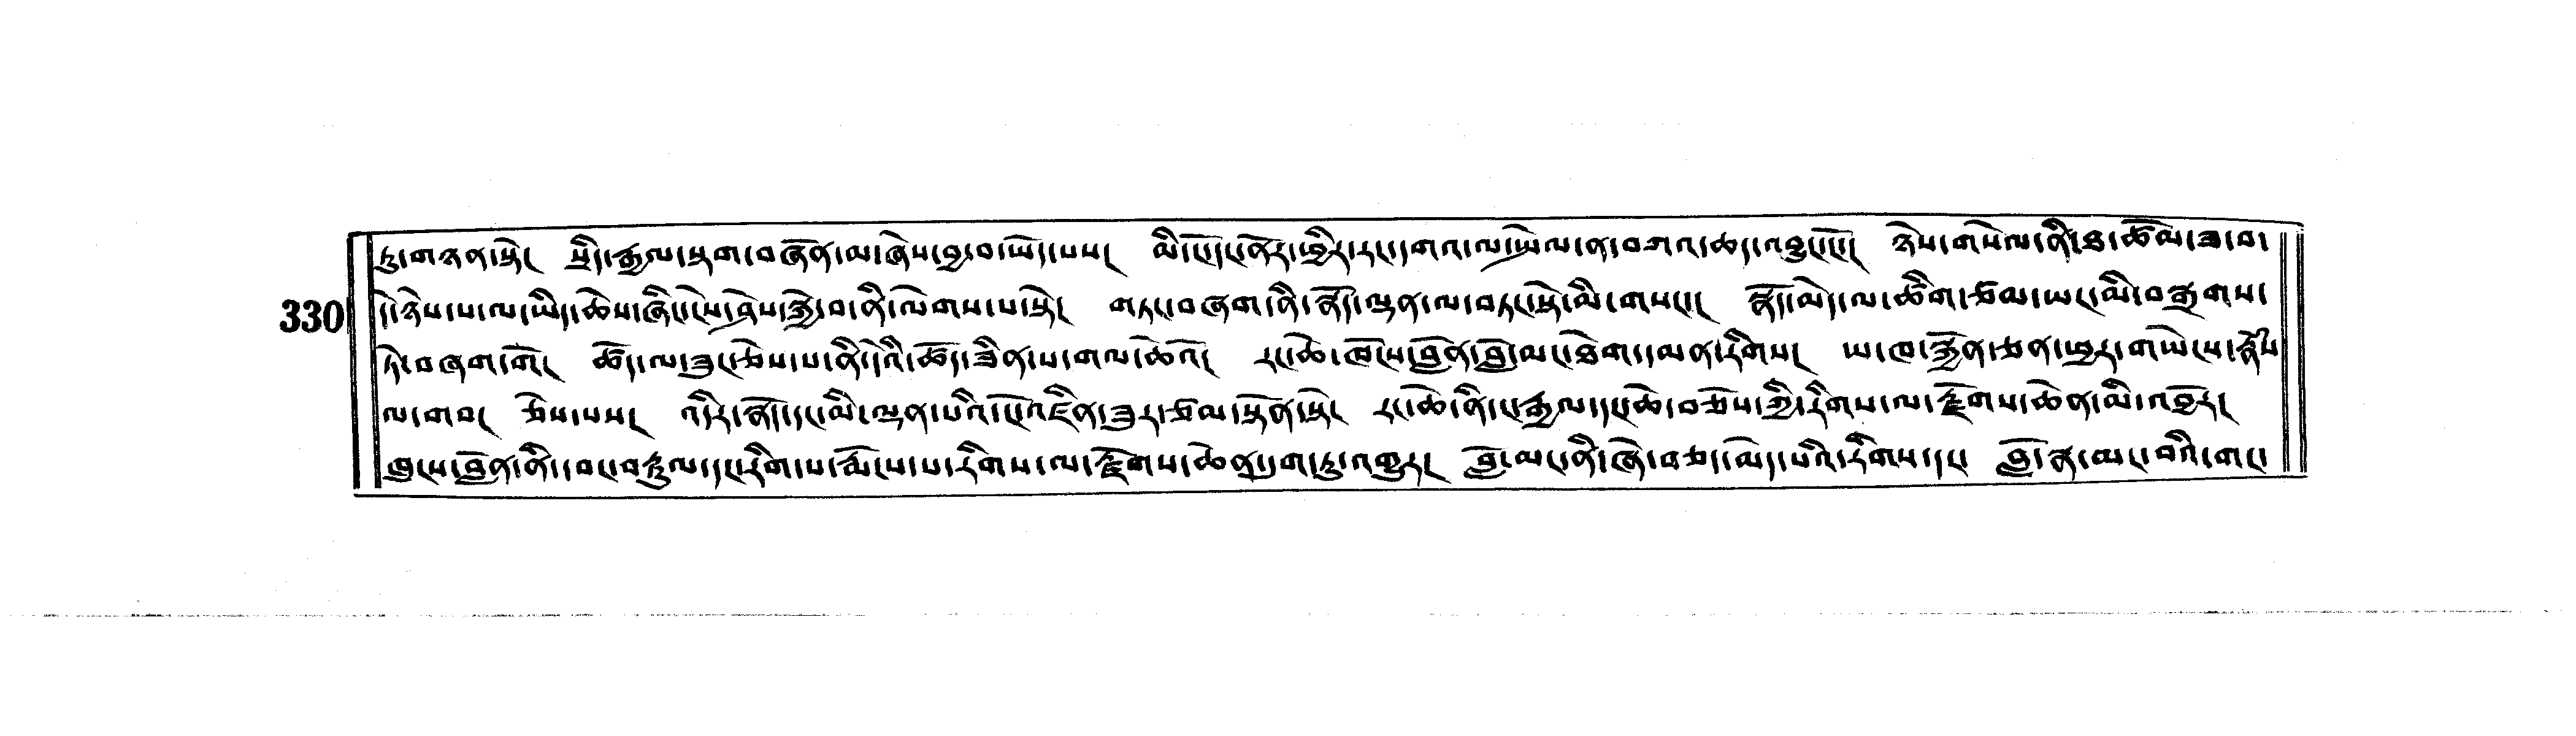ཏུ་གཉན་ཏེ། སྲིད་རྒྱལ་སྟག་ཞོན་མ་བྱ་བ་ཡོད་པས། མི་ངོ་དང་ནོར་ཕྱིར་རང་ག་ལ་སྤེལ་ན་བཀའ་ཆད་འབྱུང་ངོ་། ཉེས་སེལ་ནི་ཐེ་ཚོམ་ཟ་བ་
སྟེ་ཉེས་པ་ལ་ཡིད་ཆེས་ཤིང་ངེས་ཤེས་སྐྱེ་བ་ནི་ལེགས་པ་སྟེ། བཏང་བཞག་གི་སྣོད་ལྡན་ལ་གཏོང་སྟེ་མི་གསང་། སྣོད་མེད་ལ་ཚིག་ཙམ་ཡང་མི་བསྒྲགས་
ཏེ་བཞག་གོ ཚོད་ལ་ཟུངས། ཅེས་པ་ནི་དེའི་ཚོད་ཟིན་པ་གལ་ཆེའོ། རང་ཆེ་ཁོང་བློན་བློ་མང་ཐེག་དམན་རིགས། ཡ་ཁ་སྐྱོན་ཅན་ཕྱར་གཡེང་རྣམས་
ལ་གབ། ཅེས་པས། འདིར་སྣོད་དང་མི་ལྡན་པའི་ངོས་འཛིན་ཟུར་ཙམ་སྟོན་ཏེ། རང་ཆེ་ནི་ང་རྒྱལ་དང་ཆེ་བཅོས་ཀྱི་རིགས་ལ་རྫོགས་ཆེན་མི་འབྱོར། 
ཁོང་བླུན་ནི་དབང་རྟུལ་དང་རིགས་རྨོངས་པ་རིགས་ལ་རྫོགས་ཆེན་དུག་ཏུ་འགྱུར། བློ་མང་ནི་ཞེ་བཅད་མེད་པའི་རིགས་དང་། བློ་སྣ་མང་བའི་གང་